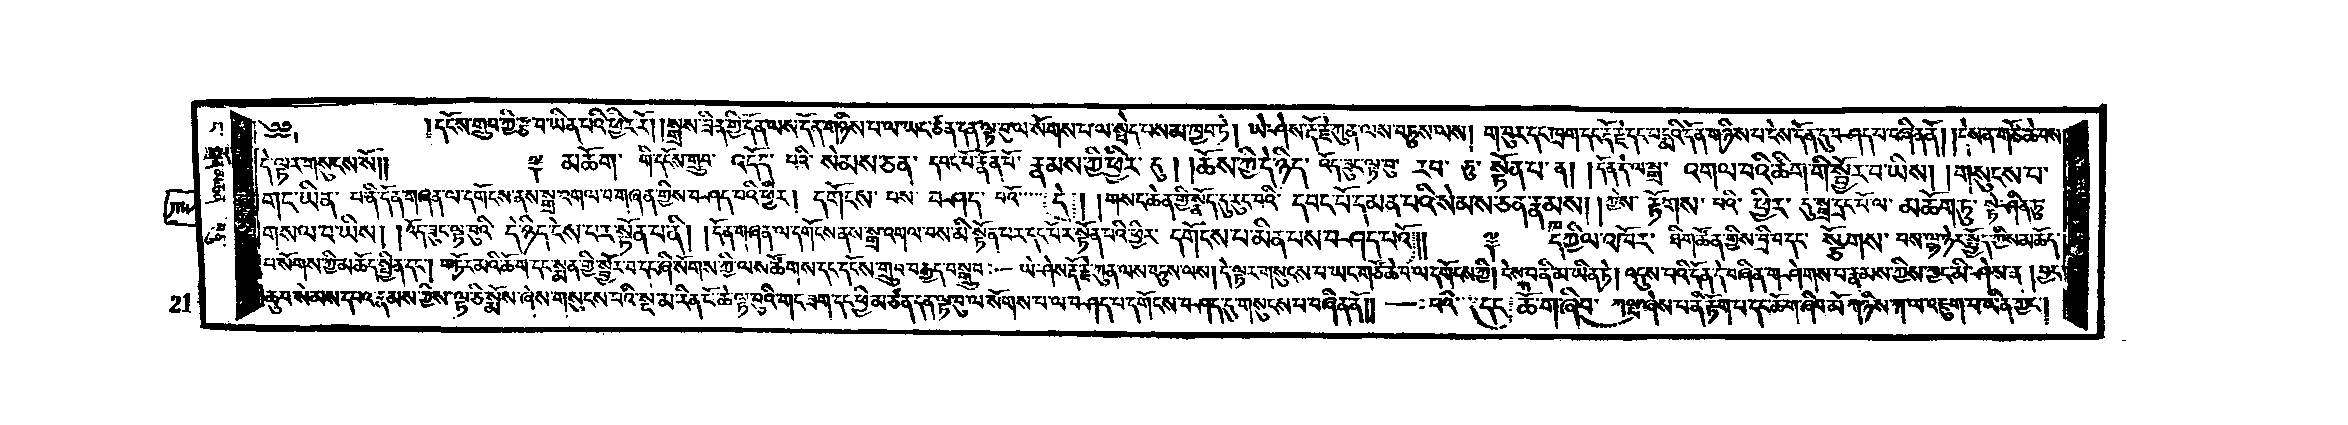༄༅། །དངོས་གྲུབ་ཀྱི་རྩ་བ་ཡིན་པའི་ཕྱིར་རོ། །སྒྲས་ཟིན་གྱི་དོན་ལས་དོན་གཉིས་པ་ལ་ཡང་ཙན་དན་ལྟ་བུ་ལ་སོགས་པ་ལ་སྦེད་པས་མ་ཁྱབ་ཏེ། ཡེ་ཤེས་རྡོ་རྗེ་ཀུན་ལས་བཏུས་ལས། ག་བུར་དང་ཁྲག་དང་རྡོ་རྗེ་དང་པདམའི་དོན་གཉིས་པ་ངེས་དོན་དུ་བཤད་པ་བཞིན་ནོ། །དེས་ན་གཙོ་ཆེ་བས་
དེ་ལྟར་གསུངས་སོ།། ༈ མཆོག་གི་དངོས་གྲུབ་འདོད་པའི་སེམས་ཅན་དབང་པོ་རྣོན་པོ་རྣམས་ཀྱི་ཕྱིར་དུ། །ཆོས་ཀྱི་དེ་ཉིད་འོད་ཟུང་ལྟ་བུ་རབ་ཏུ་སྟོན་པ་ན། །དོན་དེ་ལ་སྒྲ་འགལ་བའི་ཚིག་གི་སྦྱོར་བ་ཡིས། །གསུངས་པ་
གང་ཡིན་པ་ནི་དོན་གཞན་ལ་དགོངས་ནས་སྒྲ་འགལ་བ་གཞན་གྱིས་བཤད་པའི་ཕྱིར། དགོངས་པས་བཤད་པའོ་དེ། །གསང་ཆེན་གྱི་སྣོད་དུ་རུང་བའི་དབང་པོ་དམན་པའི་སེམས་ཅན་རྣམས། །ཀྱིས་རྟོགས་པའི་ཕྱིར་དུ་སྒྲ་དྲང་པོ་ལ་མཆོག་ཏུ་སྟེ་ཤིན་ཏུ་
གསལ་བ་ཡིས། །འོད་ཟུང་ལྟ་བུའི་དེ་ཉིད་ངེས་པར་སྟོན་པ་ནི། །དོན་གཞན་ལ་དགོངས་ནས་སྒྲ་འགལ་བས་མི་སྟོན་པར་དང་པོར་སྟོན་པའི་ཕྱིར་དགོངས་པ་མིན་པས་བཤད་པའོ།། ༈ དཀྱིལ་འཁོར་ཐིག་ཚོན་གྱིས་བྲི་བ་དང་སྩོགས་པས་ལྷ་ཉེར་སྤྱོད་ཀྱིས་མཆོད་
པ་སོགས་ཀྱི་མཆོད་སྦྱིན་དང་། གཏོར་མའི་ཆོ་ག་དང་སྨན་གྱི་སྦྱོར་བ་དང་ཞི་སོགས་ཀྱི་ལས་ཚོགས་དང་དངོས་གྲུབ་བརྒྱད་བསྒྲུབ་ཡེ་ཤེས་རྡོ་རྗེ་ཀུན་ལས་བཏུས་ལས། དེ་ལྟར་གསུངས་པ་ཡང་གཙོ་ཆེ་བ་ལ་དགོངས་ཀྱི། ངེས་ཀ་བ་ནི་མ་ཡིན་ཏེ། འདུས་པའི་དོན་དེ་བཞིན་གཤེགས་པ་རྣམས་ཀྱིས་ཀྱང་མི་ཤེས་ན། བྱང་
ཆུབ་སེམས་དཔའ་རྣམས་ཀྱིས་ལྟ་ཅི་སྨོས་ཞེས་གསུངས་པའི་སྔ་མ་རིན་པོ་ཆེ་ལྟ་བུའི་གང་ཟག་དང་ཕྱི་མ་ཙན་དན་ལྟ་བུ་ལ་སོགས་པ་ལ་བཤད་པ་དགོངས་བཤད་དུ་གསུངས་པ་བཞིན་ནོ།། པའི་དང་ཆོ་ག་ཞིབ་ཀལ་པ་ཞེས་པ་ནི་རྟོག་པ་དང་ཆོ་ག་ཞིབ་མོ་གཉིས་ཀ་ལ་འཇུག་པ་ཡིན་ཀྱང་།